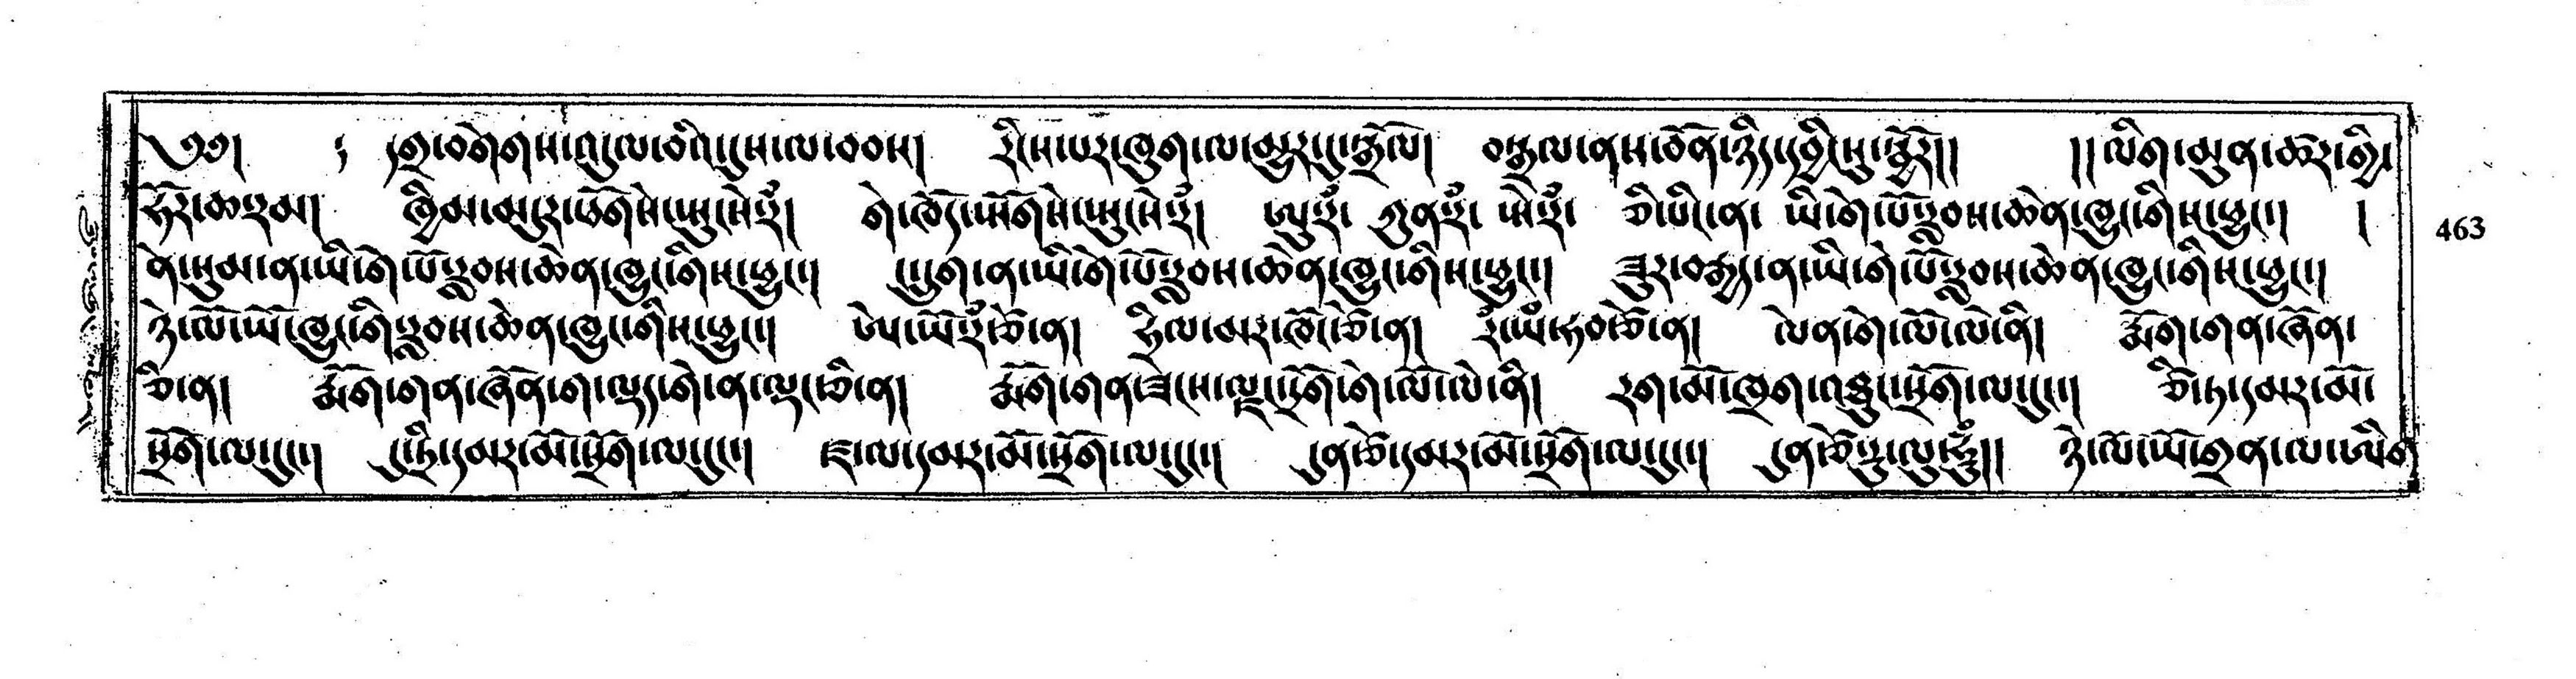དགྲ་བགེགས་འདུལ་བའི་དུས་ལ་བབས། རིངས་པར་ཁུག་ལ་མྱུར་དུ་སྒྲོལ། བསྒྲལ་ནས་བོན་ཉིད་དབྱིངས་སུ་སྦྱོར།། །།ལིག་མུན་ཚར་གྱི་
ཧོར་ཆ་རམ། ཁྱིམ་མདུར་ཕོགས་སེ་སྤུངས་སེ་རཾ། གེ་ཁོད་སྤོགས་སེ་སྤུངས་སེ་རཾ། ཨུ་རཾ། ཀུན་རཾ། སྤེ་རཾ། ཅི་པིང་ན་ཡི་གེ་པོ་རླབས་ཆེན་ཁྱུང་གིས་ཕྱུང་། 
ནེ་སུམ་ན་ཡི་གེ་པོ་རླབས་ཆེན་ཁྱུང་གིས་ཕྱུང་། ང་དྲུག་ན་ཡི་གེ་པོ་རླབས་ཆེན་ཁྱུང་གིས་ཕྱུང་། ཟུར་བརྒྱད་ན་ཡི་གེ་པོ་རླབས་ཆེན་ཁྱུང་གིས་ཕྱུང་། 
ཉེ་ལོ་ཡོ་ཁྱུང་གི་རླབས་ཆེན་ཁྱུང་གིས་ཕྱུང་། ཨེ་ཡོ་རཾ་ཙེ་ན། ཧྲིལ་མར་ཁོང་ཙེ་ན། རཾ་ཡཾ་ཧབ་ཙེ་ན། ལེན་གེ་ལོ་ལེ་ནི། {477}རྨོག་གན་ཞོན་
ཅི་ན། རྨོག་གན་ཞོན་ག་ལྡད་གེ་ན་ལྡང་ཅི་ན། རྨོག་གན་ཟངས་ལྗང་དྲོག་གེ་ལོ་ལེ་ནི། རག་མོ་ཁྲག་འཐུང་སྲོག་ལ་དུང་། ཙི་ཏ་དམར་མོ་
སྲོག་ལ་དུང་། དུ་ཏྲི་དམར་མོ་སྲོག་ལ་དུང་། ཛ་ལ་དམར་མོ་སྲོག་ལ་དུང་། དུན་ཙེ་དམར་མོ་སྲོག་ལ་དུང་། དུན་ཙེ་རུ་ལུ་ཧཱུྃ། ཉེ་ལོ་ཡོ་གྲན་ལ་ཨིག་